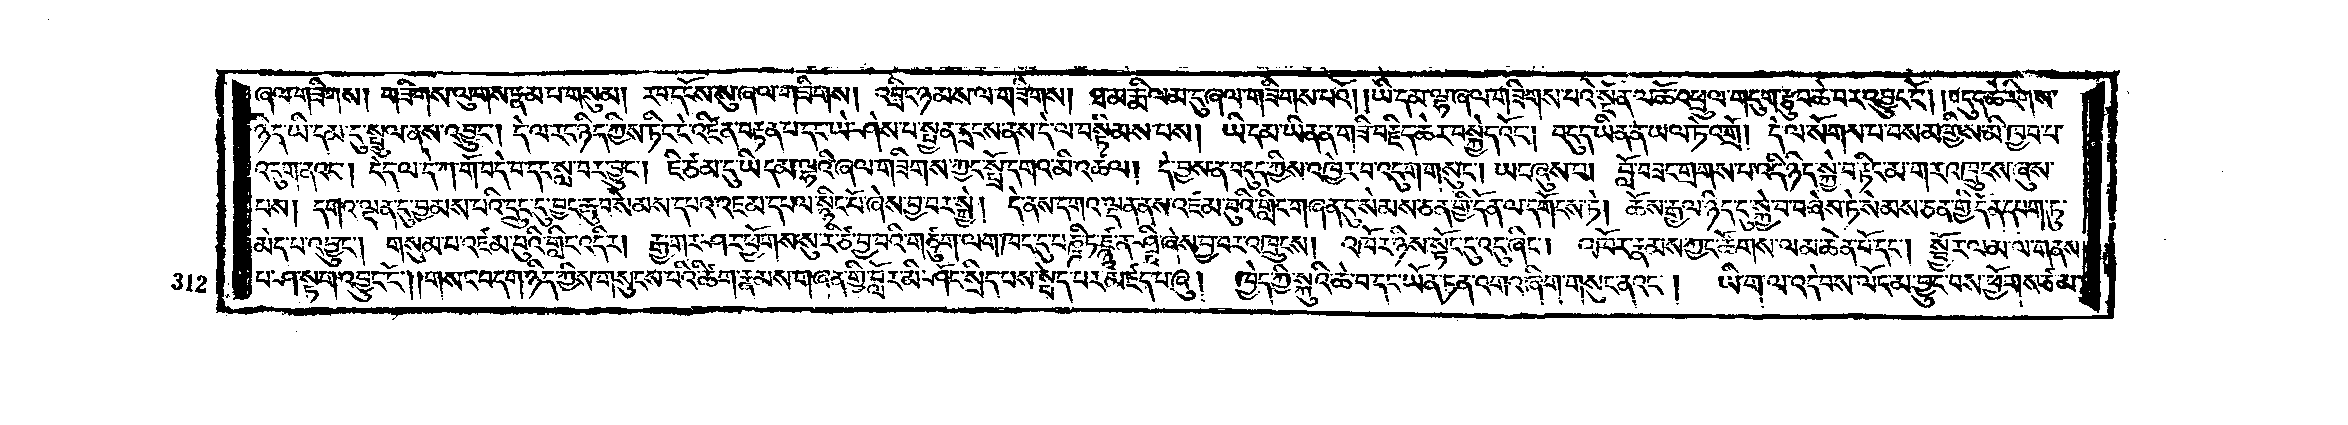ཞལ་གཟིགས། གཟིགས་ལུགས་རྣམ་པ་གསུམ། རབ་དངོས་སུ་ཞལ་གཟིགས། འབྲིང་ཉམས་ལ་གཟིགས། ཐ་མ་རྨི་ལམ་དུ་ཞལ་གཟིགས་པའོ། །ཡི་དམ་ལྷ་ཞལ་གཟིགས་པའི་སྔོན་ལ་ཆོ་འཕྲུལ་གདུག་རྩུབ་ཆེ་བར་འབྱུང་ངོ། །བདུད་ཆེ་རིགས་
ཉིད་ཡི་དམ་དུ་སྤྲུལ་ནས་འབྱུང་། དེ་ལ་རང་ཉིད་ཀྱིས་ཏིང་ངེ་འཛིན་བརྟན་པ་དང་ཡེ་ཤེས་པ་སྤྱན་དྲངས་ནས་དེ་ལ་བསྟིམས་པས། ཡི་དམ་ཡིན་ན་གཟི་བརྗིད་ཆེར་བསྐྱེད་འོང་། བདུད་ཡིན་ན་ཡལ་ཏེ་འགྲོ། དེ་ལ་སོགས་པ་བསམ་གྱིས་མི་ཁྱབ་པ་
འདུག་ནའང་། དེད་ལ་དེ་ཀ་གོ་བདེ་བ་དང་སླ་བར་བྱུང་། ཇི་ཙམ་དུ་ཡི་དམ་ལྷའི་ཞལ་གཟིགས་ཀྱང་སྤྲོ་དགའ་མི་འཚལ། དེ་བྱས་ན་བདུད་ཀྱིས་འཁྱེར་བ་འདུག་གསུང་། ཡང་ཞུས་པ། བློ་བཟང་གྲགས་པ་འདི་ཉིད་སྐྱེ་བ་རྟིང་མ་གར་འཁྲུངས་ཞུས་
པས། དགའ་ལྡན་དུ་བྱམས་པའི་དྲུང་དུ་བྱང་ཆུབ་སེམས་དཔའ་འཇམ་དཔལ་སྙིང་པོ་ཞེས་བྱ་བར་སྐྱེ། དེ་ནས་དགའ་ལྡན་ནས་འཛམ་བུའི་གླིང་གཞན་དུ་སེམས་ཅན་གྱི་དོན་ལ་དགོངས་ཏེ། ཆོས་རྒྱལ་ཉིད་དུ་སྐྱེ་བ་བཞེས་ཏེ་སེམས་ཅན་གྱི་དོན་དཔག་ཏུ་
མེད་པ་འབྱུང་། གསུམ་པ་འཛམ་བུའི་གླིང་འདིར། རྒྱ་གར་ཤར་ཕྱོགས་སུ་རི་ཙ་བྱ་བའི་གཙུག་ལག་ཁང་དུ་པཎྜི་ཏ་ཛྙཱ་ན་ཤྲཱི་ཞེས་བྱ་བར་འཁྲུངས། འཁོར་ཉིས་སྟོང་དུ་འདུ་ཞིང་། འཁོར་རྣམས་ཀྱང་ཚོགས་ལམ་ཆེན་པོ་དང་། སྦྱོར་ལམ་ལ་གནས་
པ་ཤ་སྟག་འབྱུང་ངོ། །གསང་བདག་ཉིད་ཀྱིས་གསུངས་པའི་ཚིག་རྣམས་གཞན་གྱི་བློར་མི་ཤོང་སྲིད་པས་སྤེད་པར་མཛད་པ་ཞུ། ཁྱེད་ཀྱི་སྐུའི་ཆེ་བ་དང་ཡོན་ཏན་འགའ་ཞིག་གསུང་ནའང་། ཡི་ག་ལ་འདེབས་ལོང་མ་བྱུང་བས་ཕྱོགས་ཙམ་